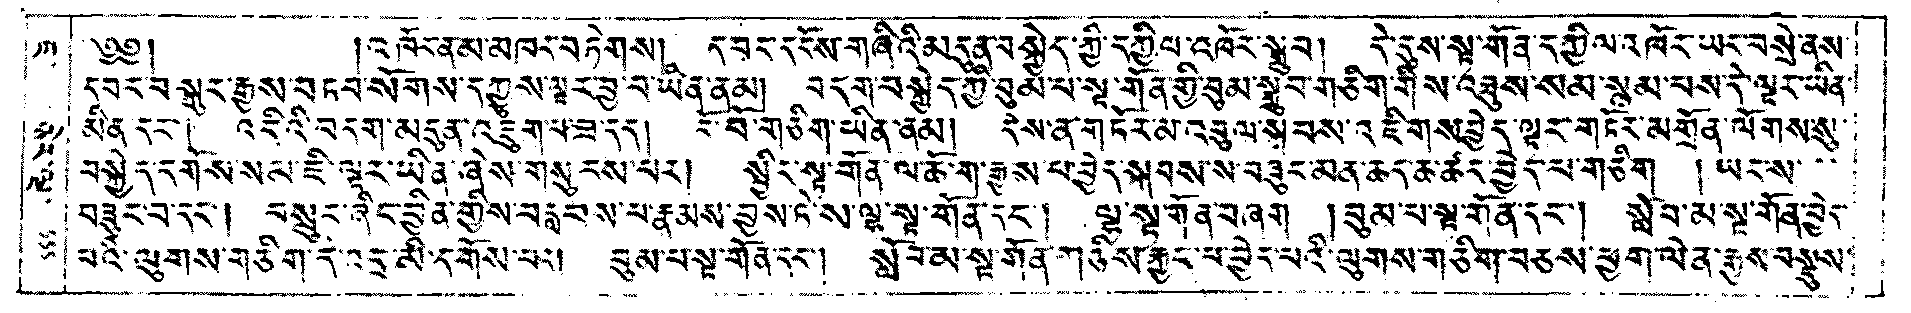༄༅། །འཁོར་ནམ་མཁར་བཏེགས། དབང་དངོས་གཞིའི་མདུན་བསྐྱེད་ཀྱི་དཀྱིལ་འཁོར་སྒྲུབ། དེ་དུས་སྟ་གོན་དཀྱིལ་འཁོར་ཡང་བསྲེ་ནས་
དབང་བསྐུར་རྒྱས་བཏབ་སོགས་དཀྱུས་ལྟར་བྱ་བ་ཡིན་ནམ། བདག་བསྐྱེད་ཀྱི་བུམ་པ་སྟ་གོན་གྱི་བུམ་སྒྲུབ་གཅིག་གིས་འཐུས་སམ་སྙམ་པས་དེ་ལྟར་ཡིན་
མིན་དང་། འདིའི་བདག་མདུན་འཇུག་པ་ཐ་དད། ངོ་བོ་གཅིག་ཡིན་ནམ། དེས་ན་གཏོར་མ་འབུལ་སྐབས་འཇིགས་བྱེད་ལྟར་གཏོར་མགྲོན་ལོགས་སུ་
བསྐྱེད་དགོས་སམ་ཇི་ལྟར་ཡིན་ཞེས་གསུངས་པར། སྤྱིར་སྟ་གོན་ལ་ཆོ་ག་རྒྱས་པ་བྱེད་སྐབས་ས་བཟུང་མན་ཆད་ཆ་ཚང་བྱེད་པ་གཅིག །ཡང་ས་
བཟུང་བ་དང་། བསྲུང་ཞིང་བྱིན་གྱིས་བརླབས་པ་རྣམས་བྱས་ཏེ་ས་ལྷ་སྟ་གོན་དང་། ལྷ་སྟ་གོན་བཞག །བུམ་པ་སྟ་གོན་དང་། སློབ་མ་སྟ་གོན་བྱེད་
པའི་ལུགས་གཅིག་དེ་འདྲ་མི་དགོས་པར། བུམ་པ་སྟ་གོན་དང་། སློབ་མ་སྟ་གོན་གཉིས་རྐྱང་པ་བྱེད་པའི་ལུགས་གཅིག་བཅས་ཕྱག་ལེན་རྒྱས་བསྡུས་